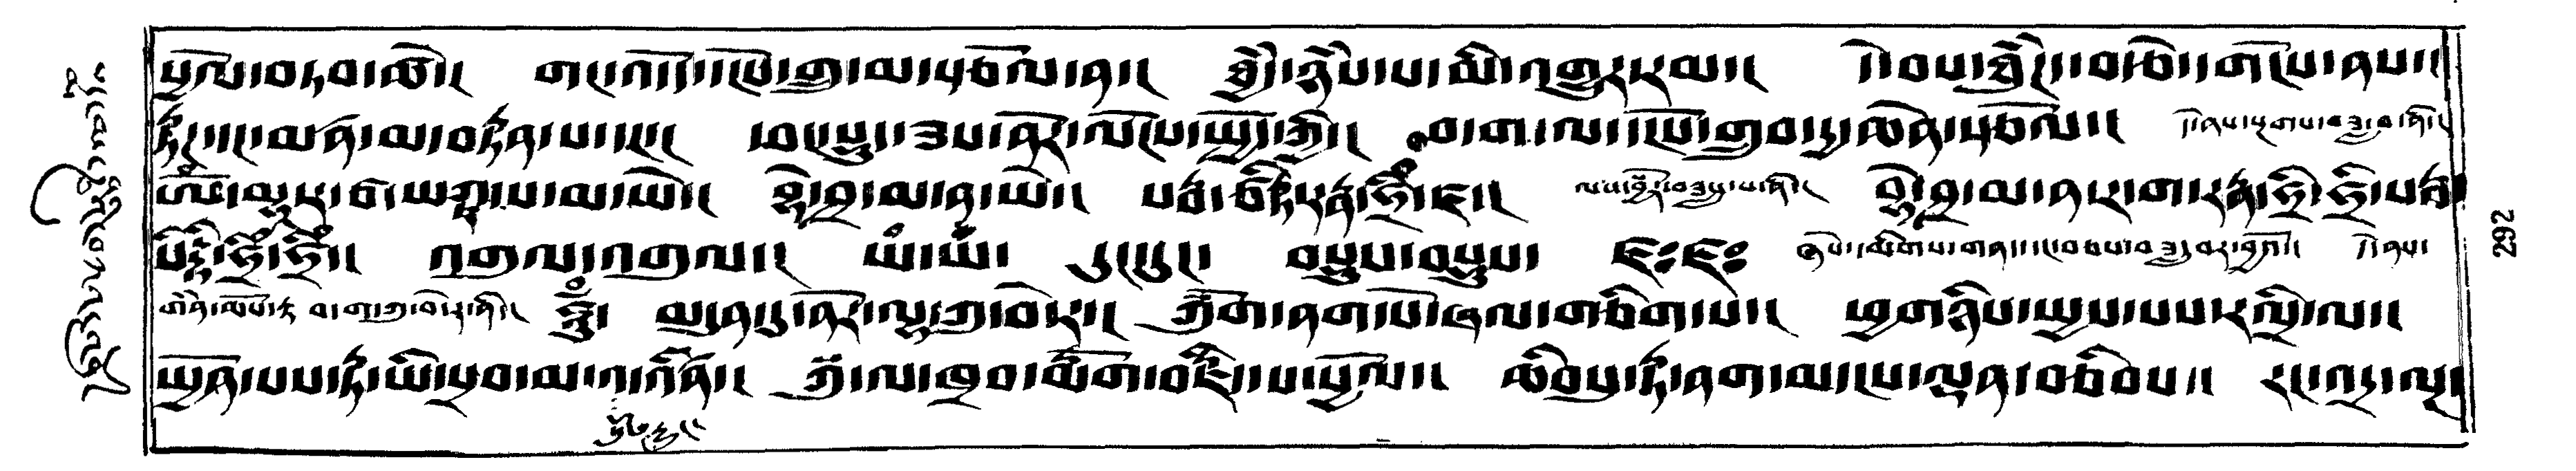གསོལ་བཏབ་ཚེ། །གང་འདོད་དངོས་གྲུབ་མ་སྩལ་ན། །ཐུགས་དམ་ཉམས་པར་མི་འགྱུར་རམ། །དེ་བས་ཐུགས་རྫེས་བརྩེར་དགོངས་ནས། 
རྟགས་དང་མཚན་མ་བསྟན་པ་དང་། །དབང་སྡུད་ཟས་ནོར་ལོངས་སྤྱོད་ཀྱི། །བདག་ལ་དངོས་གྲུབ་རྒྱ་ཆེར་སྩོལ། དེ་ནས་སྔགས་བཟླ་བ་ནི། 
ཨོཾ་མ་ཧ་ར་ཙ་ཡཀྵ་ས་མ་ཡེ་བྷེ་ཤྲ་མ་ན་ཡེ་སརྦ་ཙིཏྟ་རཏྣ་ཧྲིཾ་ཛ། ལས་སྦྱོར་བཟླ་པ་ནི། བྷཻ་ཤྲ་མ་ན་ར་ག་རཏྣ་ཧྲཱི་ཧྲཱི་སརྦ་
སིདྡྷི་ཧྲིཾ་ཧྲིཾ། འགུལ་འགུལ། ཡཾ་ཡཾ། དུང་དུང་། བསྡུས་བསྡུས། ཛཿཛཿ ཞེས་དམིགས་གནད་དང་བཅས་བཟླ་བར་བྱའོ། དེ་ནས་
གནམ་ཆོས་རྟ་བདག་ཀུ་བེ་ར་ནི། ཧཱུྃ། མདུན་དུ་ནོར་ལྷ་ཀུ་བེ་ར། སྐུ་མདོག་ནག་པོ་ཞལ་གཅིག་པ། །ཕྱག་གཉིས་གཡས་པས་རལ་གྲི་ལ། 
གཡོན་པས་རྟ་ཡི་སྲབ་མདའ་འཛིན། སྐུ་ལ་ཁྲབ་རྨོག་བརྗིད་པར་གསོལ། །ཆིབས་སུ་རྟ་ནག་མདངས་ལྡན་བཅིབས། །རང་འདྲ་ལྔ་